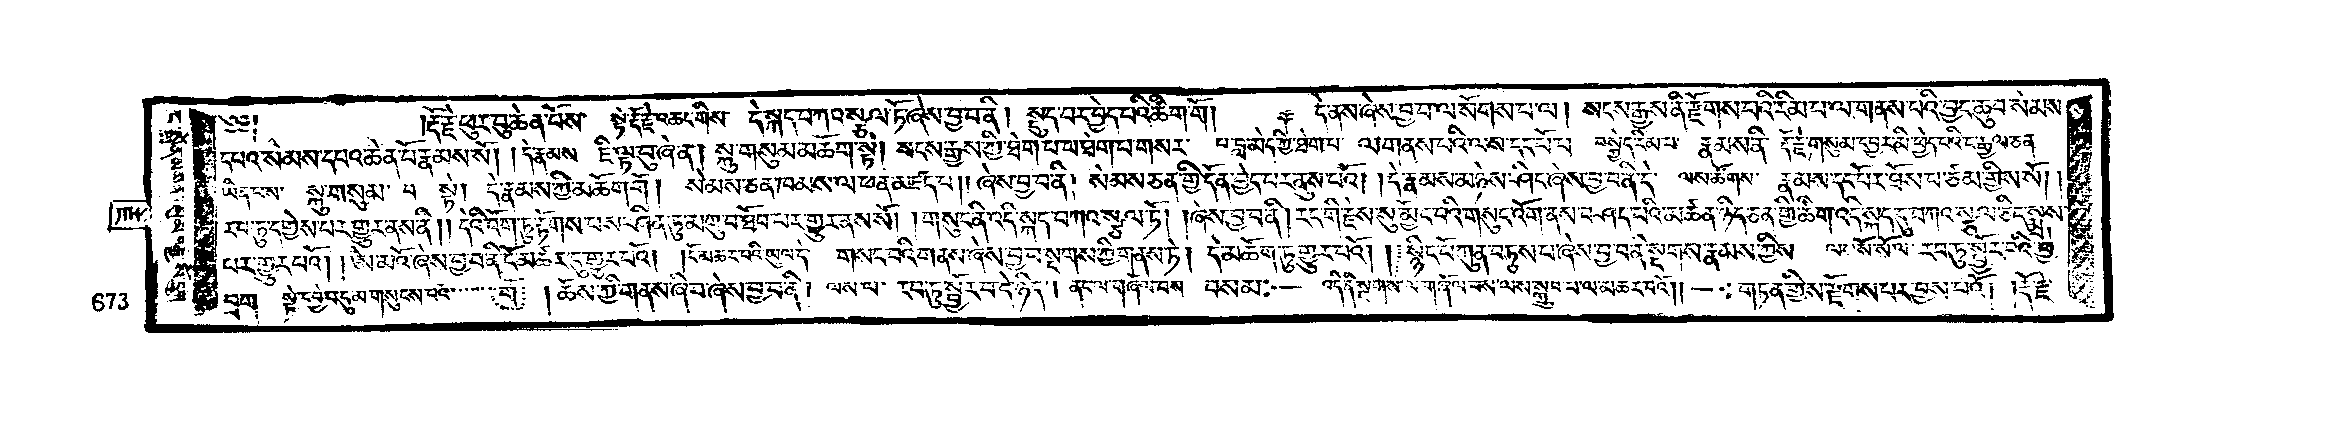༄༅། །རྡོ་རྗེ་ཕུར་བུ་ཆེན་པོས་སྟེ་རྡོ་རྗེ་འཆང་གིས་དེ་སྐད་བཀའ་སྩལ་ཏོ་ཞེས་བྱ་བ་ནི། སྡུད་པར་བྱེད་པའི་ཚིག་གོ ། ༈ དེ་ནས་ཞེས་བྱ་བ་ལ་སོགས་པ་ལ། སངས་རྒྱས་ནི་རྫོགས་པའི་རིམ་པ་ལ་གནས་པའི་བྱང་ཆུབ་སེམས་
དཔའ་སེམས་དཔའ་ཆེན་པོ་རྣམས་སོ། །དེ་རྣམས་ཇི་ལྟ་བུ་ཞེ་ན། སྐུ་གསུམ་མཆོག་སྟེ། སངས་རྒྱས་ཀྱི་ཐེག་པ་པ་ཐེག་པ་གསར་པ་བླ་མེད་ཀྱི་ཐེག་པ་ལ་གནས་པའི་ལས་དང་པོ་པ་བསྐྱེད་རིམ་པ་རྣམས་ནི་རྡོ་རྗེ་གསུམ་དབྱེར་མི་ཕྱེད་པའི་ང་རྒྱལ་ཅན་
ཡིན་པས་སྐུ་གསུམ་པ་སྟེ། དེ་རྣམས་ཀྱི་མཆོག་གོ །སེམས་ཅན་ཁམས་ལ་ཕན་མཛད་པ། །ཞེས་བྱ་བ་ནི། སེམས་ཅན་གྱི་དོན་བྱེད་པར་ནུས་པའོ། །དེ་རྣམས་མཉེས་ཤིང་ཞེས་བྱ་བ་ནི་དེ་ལས་ཚོགས་རྣམས་དང་པོར་ཐོས་པ་ཙམ་གྱིས་སོ།།
རབ་ཏུ་དགྱེས་པར་གྱུར་ནས་ནི། །དེའི་འོག་ཏུ་རྟོགས་པས་ཤིན་ཏུ་མགུ་བ་ཐོབ་པར་གྱུར་ནས་སོ། །གསུང་ནི་འདི་སྐད་བཀའ་སྩལ་ཏོ། །ཞེས་བྱ་བ་ནི། རང་གི་རྗེས་སུ་མྱོང་བའི་གསུང་འོག་ནས་བཤད་པའི་མཚན་ཉིད་ཅན་གྱི་ཚིག་འདི་སྐད་དུ་བཀའ་སྩལ་ཅིང་སྨྲས་
པར་གྱུར་པའོ། །ཨེ་མའོ་ཞེས་བྱ་བ་ནི་ངོ་མཚར་དུ་གྱུར་པའོ། །ངོ་མཚར་བའི་ཡུལ་དེ་གསང་བའི་གནས་ཞེས་བྱ་བ་སྔགས་ཀྱི་གནས་ཏེ། དེ་མཆོག་ཏུ་གྱུར་པའོ། །སྙིང་པོ་ཀུན་བཏུས་པ་ཞེས་བྱ་བ་ནི་སྔགས་རྣམས་ཀྱིས་ལས་སོ་སོ་ལ་རབ་ཏུ་སྦྱོར་བའི་བྱེ་
བྲག་སྟེ་དབྱེ་བ་དུ་མ་གསུངས་པའོ་གོ །ཆོས་ཀྱི་གནས་ཞི་བ་ཞེས་བྱ་བ་ནི། ལས་ལ་རབ་ཏུ་སྦྱོར་བ་དེ་ཉིད། ནང་ལ་གཞོལ་བས་བསམཿ་འདི་ནི་སྔགས་ལ་གཞོལ་བས་ལས་སྒྲུབ་པ་ལ་མཆར་བའོ།།  .Hགཏན་གྱིས་རྫོགས་པར་བྱས་པའོ། །རྡོ་རྗེ་